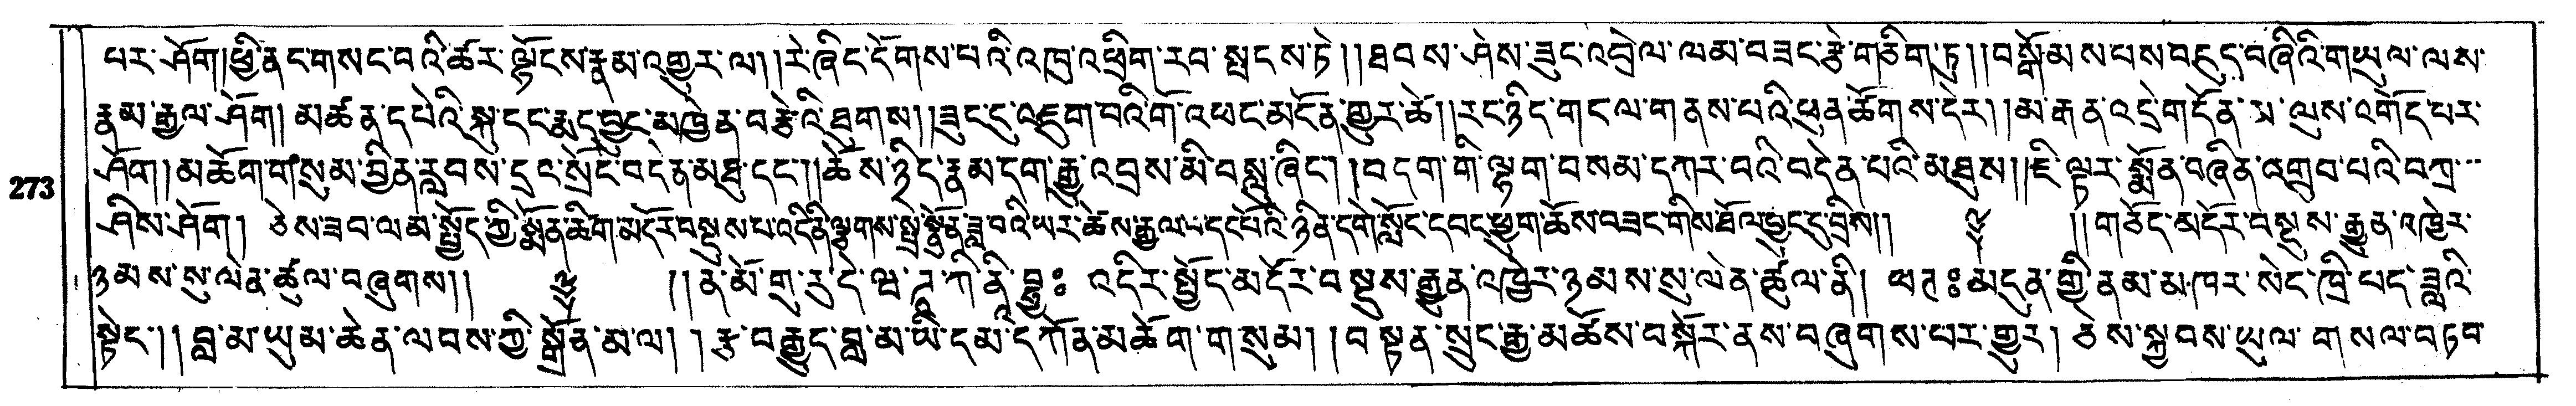པར་ཤོག །ཕྱི་ནང་གསང་བའི་ཚར་ལྷོངས་རྣམ་འགྱུར་ལ། །རེ་ཞིང་དོགས་པའི་འཁུ་འཕྲིག་རབ་སྤངས་ཏེ། །ཐབས་ཤེས་ཟུང་འབྲེལ་ལམ་བཟང་རྩེ་གཅིག་ཏུ། །བསྒོམས་པས་བདུད་བཞིའི་གཡུལ་ལས་
རྣམ་རྒྱལ་ཤོག །མཚན་དཔེའི་སྐུ་དང་རྨད་བྱུང་མཁྱེན་བརྩེའི་ཐུགས། །ཟུང་དུ་འཇུག་པའི་གོ་འཕང་མངོན་གྱུར་ཚེ། །རང་ཉིད་གང་ལ་གནས་པའི་ཕུན་ཚོགས་དེར། །མ་རྒན་འདྲེ་གདོན་མ་ལུས་འགོད་པར་
ཤོག །མཆོག་གསུམ་བྱིན་རླབས་དྲང་སྲོང་བདེན་མཐུ་དང་། །ཆོས་ཉིད་རྣམ་དག་རྒྱུ་འབྲས་མི་བསླུ་ཞིང་། །བདག་གི་ལྷག་བསམ་དཀར་བའི་བདེན་པའི་མཐུས། །ཇི་ལྟར་སྨོན་བཞིན་འགྲུབ་པའི་བཀྲ་
ཤིས་ཤོག །  ཅེས་ཟབ་ལམ་སྤྱོད་ཀྱི་སྨོན་ཚིག་མདོར་བསྡུས་པ་འདི་ནི་ལྕགས་སྤྲེ་སྣོན་?་ཟླ་བའི་ཡར་ཚེས་རྒྱལ་བ་དང་པོའི་ཉིན་དགེ་སློང་དབང་ཕྱུག་ཆོས་བཟང་གིས་ཐོལ་བྱུང་དུ་བྲིས་།།༈ །།གཅོད་མདོར་བསྡུས་རྒྱུན་འཁྱེར་
ཉམས་སུ་ལེན་ཚུལ་བཞུགས།། ༈ །།ན་མོ་གུ་རུ་དེ་ཝ་ཌཱ་ཀི་ནཱི་བྱཿ འདིར་སྤྱོད་མདོར་བསྡུས་རྒྱུན་འཁྱེར་ཉམས་སུ་ལེན་ཚུལ་ནི། ཕཊཿ མདུན་གྱི་ནམ་མཁར་སེང་ཁྲི་པད་ཟླའི་
སྟེང་། །བླ་མ་ཡུམ་ཆེན་ལབས་ཀྱི་སྒྲོན་མ་ལ། །རྩ་བརྒྱུད་བླ་མ་ཡི་དམ་དཀོན་མཆོག་གསུམ། །བསྟན་སྲུང་རྒྱ་མཚོས་བསྐོར་ནས་བཞུགས་པར་གྱུར། ཅེས་སྐྱབས་ཡུལ་གསལ་བཏབ་